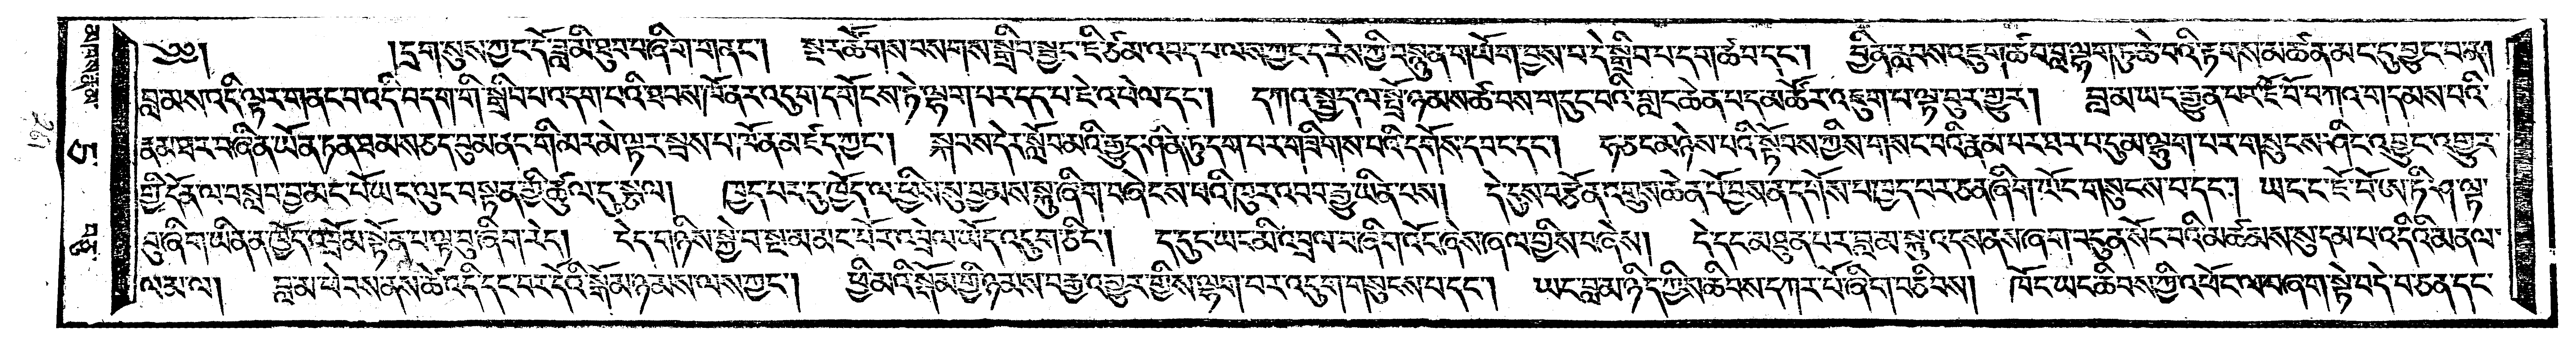༄༅། །དྲག་སུས་ཀྱང་དོ་ཟླ་མི་ཐུབ་བ་ཞིག་གནང་། སྔར་ཚོགས་བསགས་སྒྲིབ་སྦྱང་ཇི་ཙམ་འབད་པ་ལས་ཀྱང་ད་རེས་ཀྱི་བསྙུན་གཡོག་བྱས་པ་དེ་སྒྲིབ་པ་དག་ཚབ་དང་། བྱིན་རླབས་འཇུག་ཚབ་བླ་ལྷག་ཏུ་ཆེ་བའི་རྟགས་མཚན་མང་དུ་བྱུང་བ་ན།
བླ་མས་འདི་ལྟར་གནང་བ་འདི་བདག་གི་སྒྲིབ་པ་འདག་པའི་ཐབས་ཁོ་ནར་འདུག་དགོངས་ཏེ་ལྷག་པར་དད་པ་ཇེ་འཕེལ་དང་། དཀའ་སྤྱད་ལ་སྦྲོ་ཉམས་ཚ་བས་གདུང་བའི་གླང་ཆེན་བ་ད་མཚོར་འཇུག་པ་ལྟ་བུར་གྱུར། བླ་མ་ཡང་རྒྱུན་པར་ཇོ་བོ་བཀའ་གདམས་པའི་
རྣམ་ཐར་བཞིན་ཡོན་ཏན་ཐམས་ཅད་བུམ་ནང་གི་མར་མེ་ལྟར་སྦས་པ་ཁོ་ན་མཛད་ཀྱང་། སྐབས་དེར་སློབ་མའི་རྒྱུད་ཤིན་ཏུ་དག་པར་གཟིགས་པའི་དགོས་དབང་དང་། ཧ་ཅང་མཉེས་པའི་སྟོབས་ཀྱིས་གསང་བའི་རྣམ་པར་ཐར་པ་དུ་མ་ལྷུག་པར་གསུངས་ཤིང་འབྱུང་འགྱུར་
གྱི་དོན་ལ་བསླབ་བྱ་མང་པོ་ཡང་ལུང་བསྟན་གྱི་ཚུལ་དུ་སྩལ། ཁྱད་པར་དུ་ཁྱོད་ལ་ཕྱིས་སུ་བྱམས་སྐུ་ཞིག་བཞེངས་པའི་ཁུར་འབབ་རྒྱུ་ཡིན་པས། དེ་དུས་བརྩོན་འགྲུས་ཆེན་པོ་བྱས་ན་དགོས་པ་ཁྱད་པར་ཅན་ཞིག་ཡོང་གསུངས་པ་དང་། ཡང་ང་ཇོ་བོ་ཨ་ཏི་ཤ་ལྟ་
བུ་ཞིག་ཡིན་ན་ཁྱོད་འབྲོམ་སྟོན་པ་ལྟ་བུ་ཞིག་རེད། ངེད་གཉིས་སྐྱེ་བ་སྔ་མ་མང་པོར་འབྲེལ་ཡོད་འདུག་ཅིང་། ད་དུང་ཡང་མི་འབྲལ་བ་ཞིག་འོང་ཞེས་ཞལ་གྱིས་བཞེས། དེ་དང་མཐུན་པར་བླ་མ་སྐུ་འདས་ནས་ཞག་བདུན་སོང་བའི་མཚམས་སུ་དམ་པ་འདིའི་མནལ་
ལམ་ལ། བླ་མ་ཕེབས་ནས་ཚེ་འདི་དང་བར་དོའི་སྒོམ་ཉམས་ལས་ཀྱང་། ཕྱི་མའི་སྒོམ་གྱི་ཉམས་བརྒྱ་འགྱུར་གྱིས་ལྷག་པར་འདུག་གསུངས་པ་དང་། ཡང་བླ་མ་ཉིད་ཀྱིས་ཆིབས་དཀར་པོ་ཞིག་བཅིབས། ཁོང་ཡང་ཆིབས་ཀྱི་འཕོང་ལ་བཞག་སྟེ་བདེ་བ་ཅན་དང་